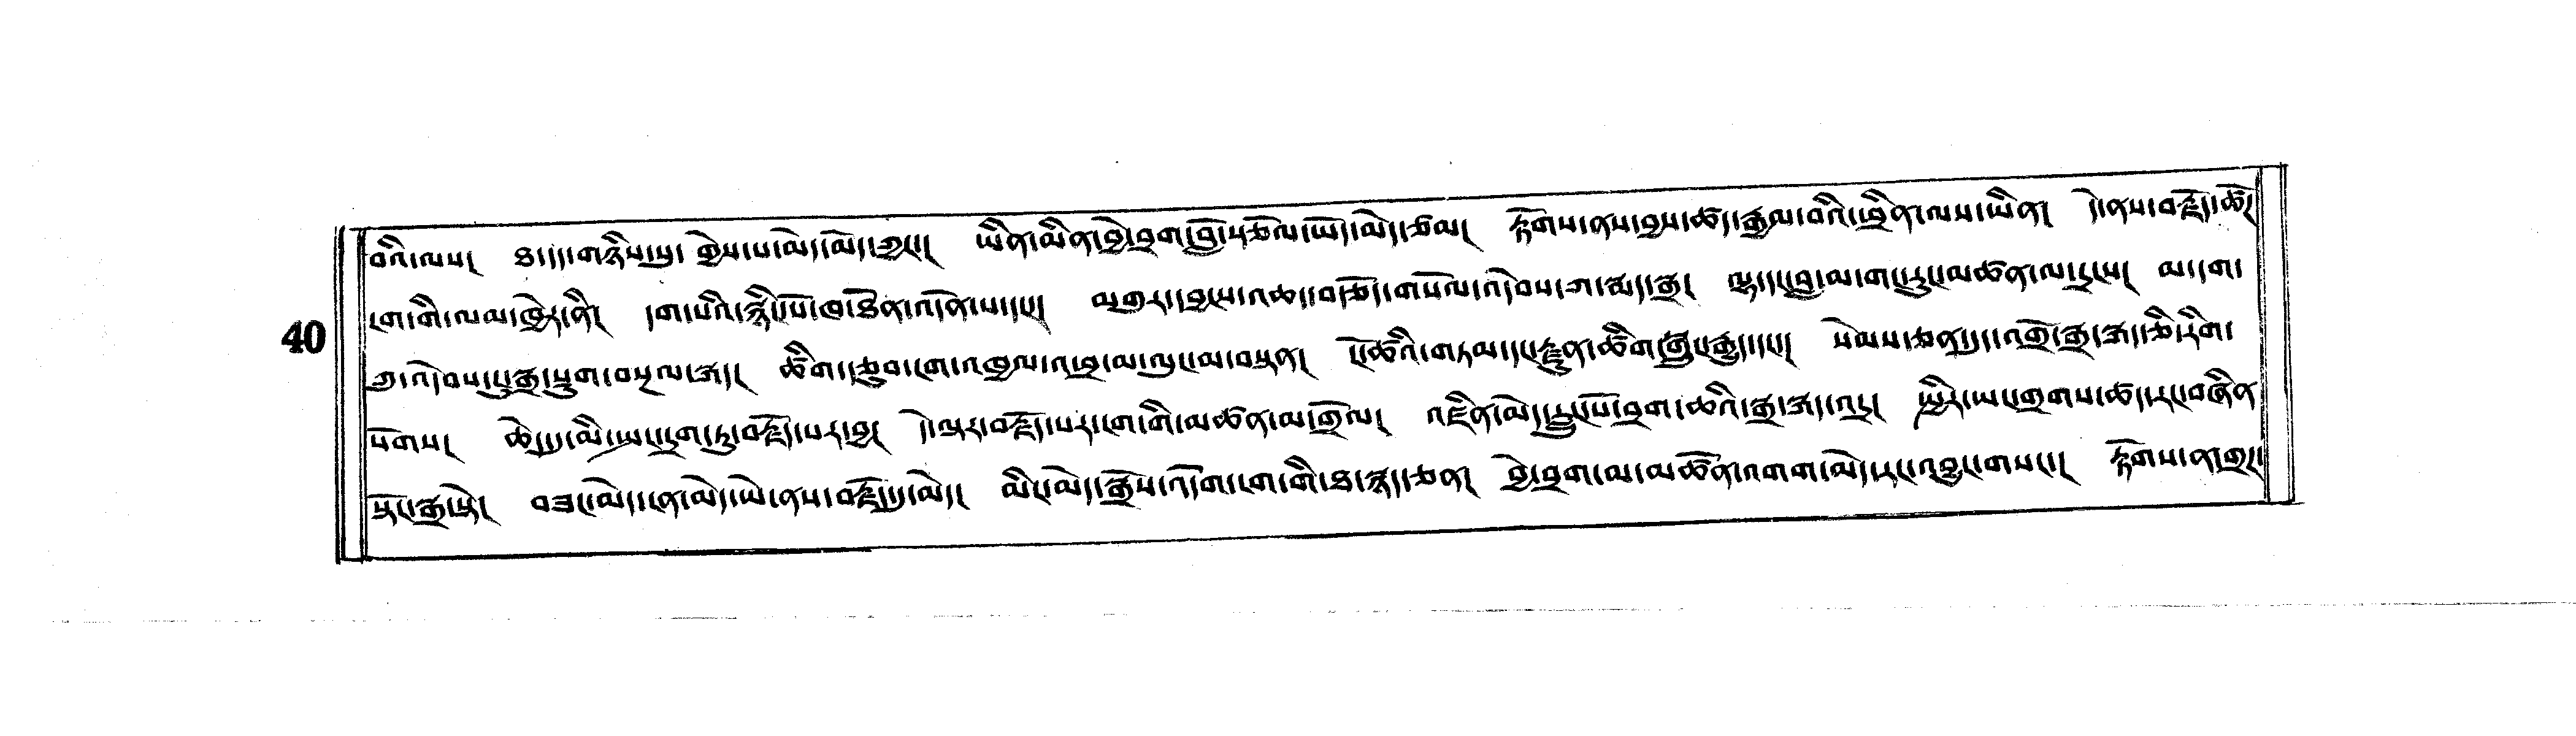བའི་ལས། ཐ་དད་གཉིས་སུ་གྱེས་པ་མེད་མོད་ཀྱང་། ཡིན་མིན་བྱེ་བྲག་བློ་རྩོལ་ཡོད་མེད་ཙམ། རྟོགས་ནས་བྱས་ཚད་རྒྱལ་བའི་ཕྲིན་ལས་ཡིན། དེ་ནས་བརྗོད་ཚོགས་
ངག་གི་ལམ་ཁྱེར་ནི། དག་པའི་སྙིང་པོ་ཁ་ཐོན་འདོན་པ་དང་། མགུར་དབྱངས་འཆད་རྩོད་གསོལ་འདེབས་ཀ་སྨད་སྒྲ། ལྷ་དང་བླ་མ་གང་རུང་མཚན་ལ་དྲངས། མ་དག་
ཀུ་འདེབས་ངུ་སྒྲ་སྡུག་བསྔལ་སྐད། ཚིག་རྩུབ་ངག་འཁྱལ་ཕྲ་མ་ལུང་མ་བསྟན། ངོ་ཚའི་གཏམ་དང་རྫུན་ཚིག་སྒྲུང་རྒྱུད་དང་། སེམས་ཅན་དུད་འགྲོ་སྒྲ་སྐད་ཅི་རིགས་
སོགས། ཆེད་དུ་མི་སྤང་དྲག་ཏུ་བརྗོད་པར་བྱ། དེ་ལྟར་བརྗོད་པར་ངག་གི་མཚན་མ་གྲོལ། འཛིན་མེད་རླུང་པོ་བྲག་ཆའི་སྒྲ་སྐད་འདྲ། སྤྱིར་ཡང་གྲགས་ཚད་རང་བཞིན་
སྟོང་སྒྲ་སྟེ། བཟང་མེད་ངན་མེད་ཡེ་ནས་བརྗོད་དུ་མེད། མིང་མེད་སྒྲོས་འདོགས་ངག་གི་ཐ་སྙད་ཅན། བྱེ་བྲག་མ་མཚོན་འགག་མེད་རང་འབྱུང་གསང་། རྟོགས་ན་གྲགས་